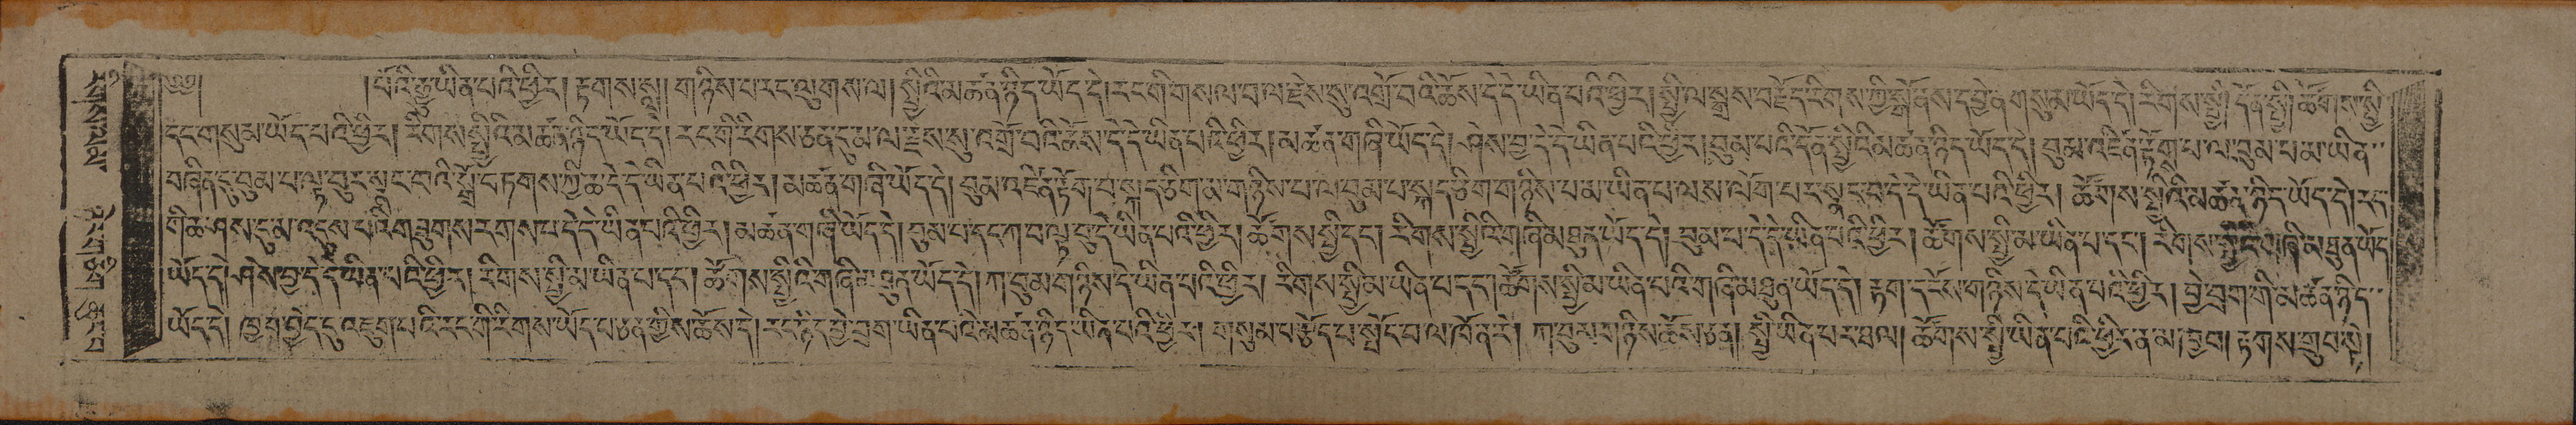༄༅། །པོའི་རྒྱུ་ཡིན་པའི་ཕྱིར། རྟགས་སླ། གཉིས་པ་རང་ལུགས་ལ། སྤྱིའི་མཚན་ཉིད་ཡོད་དེ། རང་གི་གསལ་བ་ལ་རྗེས་སུ་འགྲོ་བའི་ཆོས་དེ་དེ་ཡིན་པའི་ཕྱིར། སྤྱི་ལ་སྒྲས་བརྗོད་རིགས་ཀྱི་སྒོ་ནས་དབྱེ་ན་གསུམ་ཡོད་དེ། རིགས་སྤྱི། དོན་སྤྱི། ཚོགས་སྤྱི་
དང་གསུམ་ཡོད་པའི་ཕྱིར། རིགས་སྤྱིའི་མཚན་ཉིད་ཡོད་དེ། རང་གི་རིགས་ཅན་དུ་མ་ལ་རྗེས་སུ་འགྲོ་བའི་ཆོས་དེ་དེ་ཡིན་པའི་ཕྱིར། མཚན་གཞི་ཡོད་དེ། ཤེས་བྱ་དེ་དེ་ཡིན་པའི་ཕྱིར། བུམ་པའི་དོན་སྤྱིའི་མཚན་ཉིད་ཡོད་དེ། བུམ་འཛིན་རྟོགས་པ་ལ་བུམ་པ་མ་ཡིན་
བཞིན་དུ་བུམ་པ་ལྟ་བུར་སྣང་བའི་སྒྲོ་བཏགས་ཀྱི་ཆ་དེ་དེ་ཡིན་པའི་ཕྱིར། མཚན་གཞི་ཡོད་དེ། བུམ་འཛིན་རྟོག་པ་སྐད་ཅིག་མ་གཉིས་པ་ལ་བུམ་པ་སྐད་ཅིག་གཉིས་པ་མ་ཡིན་པ་ལས་ལོག་པར་སྣང་བ་དེ་དེ་ཡིན་པའི་ཕྱིར། ཚོགས་སྤྱིའི་མཚན་ཉིད་ཡོད་དེ། རང་
གི་ཆ་ཤས་དུ་མ་འདུས་པའི་གཟུགས་རགས་པ་དེ་དེ་ཡིན་པའི་ཕྱིར། མཚན་གཞི་ཡོད་དེ། བུམ་པ་དང་ཀ་བ་ལྟ་བུ་དེ་ཡིན་པའི་ཕྱིར། ཚོགས་སྤྱི་དང་། རིགས་སྤྱིའི་གཞི་མཐུན་ཡོད་དེ། བུམ་པ་དེ་དེ་ཡིན་པའི་ཕྱིར། ཚོགས་སྤྱི་མ་ཡིན་པ་དང་། རིགས་སྤྱིའི་གཞི་མཐུན་ཡོད་
ཡོད་དེ། ཤེས་བྱ་དེ་དེ་ཡིན་པའི་ཕྱིར། རིགས་སྤྱི་མ་ཡིན་པ་དང་། ཚོགས་སྤྱིའི་གཞི་མཐུན་ཡོད་དེ། ཀ་བུམ་གཉིས་དེ་ཡིན་པའི་ཕྱིར། རིགས་སྤྱི་མ་ཡིན་པ་དང་། ཚོགས་སྤྱི་མ་ཡིན་པའི་གཞི་མཐུན་ཡོད་དེ། རྟག་དངོས་གཉིས་དེ་ཡིན་པའི་ཕྱིར། བྱེ་བྲག་གི་མཚན་ཉིད་
ཡོད་དེ། ཁྱབ་བྱེད་དུ་འཇུག་པའི་རང་གི་རིགས་ཡོད་པ་ཅན་གྱིས་ཆོས་དེ། རང་ཉིད་བྱེ་བྲག་ཡིན་པའི་མཚན་ཉིད་ཡིན་པའི་ཕྱིར། གསུམ་པ་རྩོད་པ་སྤོང་བ་ལ་ཁོ་ན་རེ། ཀ་བུམ་གཉིས་ཆོས་ཅན། སྤྱི་ཡིན་པར་ཐལ། ཚོགས་སྤྱི་ཡིན་པའི་ཕྱིར་ན་མ་ཁྱབ། རྟགས་གྲུབ་སྟེ།